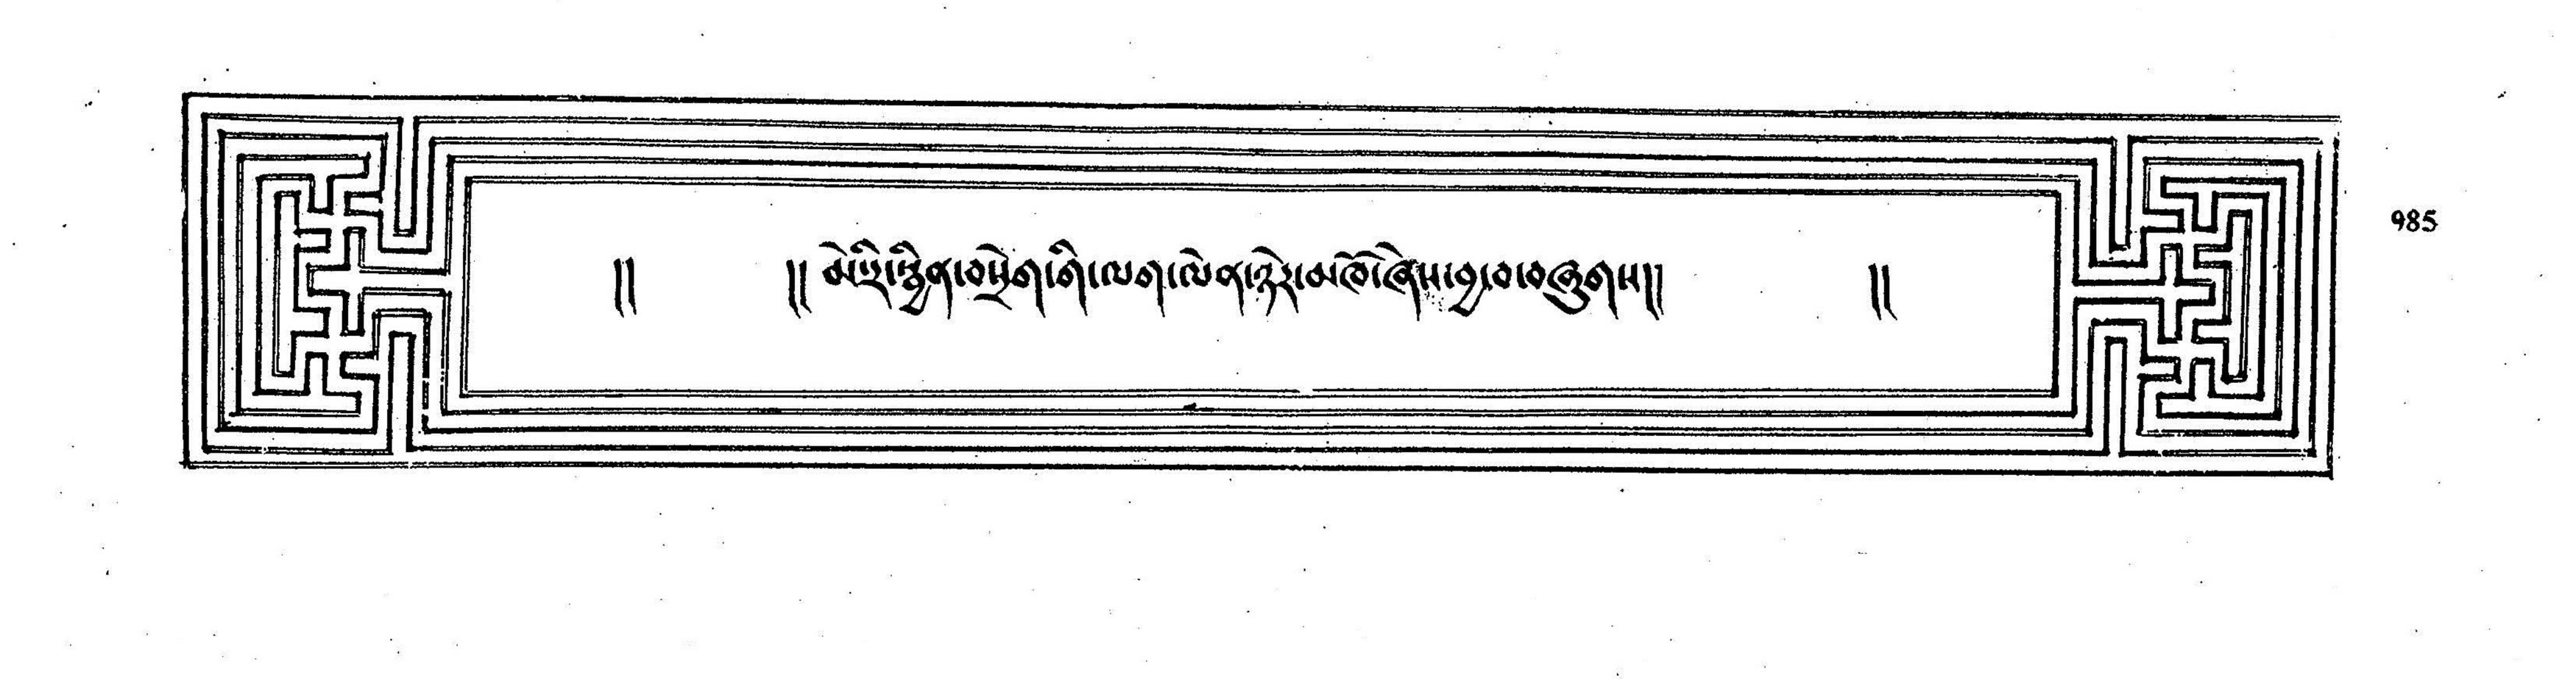།།མེ་རེ་སྦྱིན་བསྲེག་གི་ལག་ལེན་ཉེར་མཁོ་ཞེས་བྱ་བ་བཞུགས།། །།